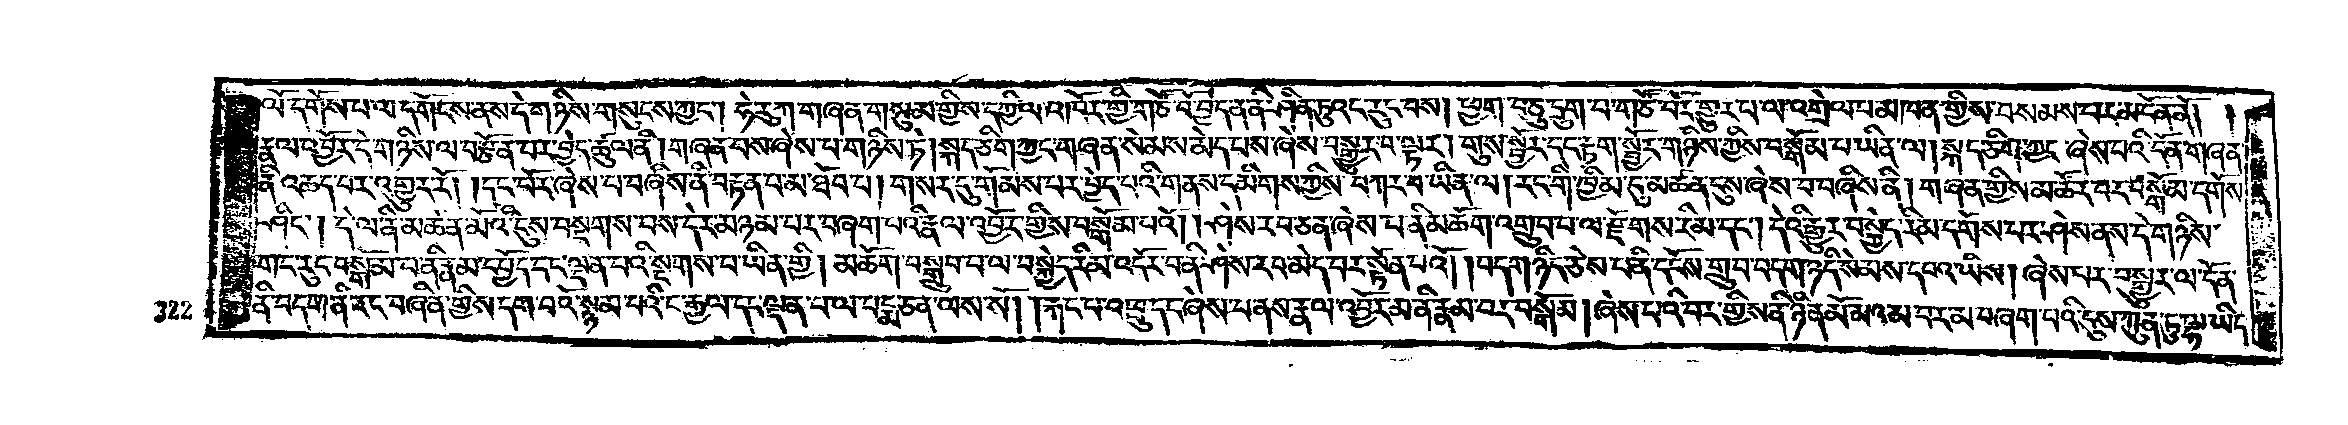ལོ་དགོས་པ་ལ་དགོངས་ནས་དེ་གཉིས་གསུངས་ཀྱང་། ཧེ་རུ་ཀ་གཞན་གསུམ་གྱིས་དཀྱིལ་འཁོར་གྱི་གཙོ་བོ་བྱེད་ན་ནི་ཤིན་ཏུའང་རུང་བས། ཕྱག་བཅུ་དྲུག་པ་གཙོ་བོར་གྱུར་བ་ལ་འགྲེལ་པ་མཁན་གྱིས་བསམས་པར་མངོན་ནོ། །
རྣལ་འབྱོར་དེ་གཉིས་ལ་བརྩོན་པར་བྱེད་ཚུལ་ནི། གཞན་པས་ཞེས་པ་གཉིས་ཏེ། སྐད་ཅིག་ཀྱང་གཞན་སེམས་མེད་པས་ཞེས་བསྒྱུར་བ་ལྟར། གུས་སྦྱོར་དང་རྟག་སྦྱོར་གཉིས་ཀྱིས་བསྒོམ་པ་ཡིན་ལ། སྐད་ཅིག་ཀྱང་ཞེས་པའི་དོན་གཞན་
ནི་འཆད་པར་འགྱུར་རོ། །དང་པོར་ཞེས་པ་བཞིས་ནི་བརྟན་པ་མ་ཐོབ་པ། གསར་དུ་གོམས་པར་བྱེད་པའི་གནས་དམིགས་ཀྱིས་བཀར་བ་ཡིན་ལ། རང་གི་ཁྱིམ་དུ་མཚན་དུས་ཞེས་པ་བཞིས་ནི། གཞན་གྱིས་མཚོར་བར་བསྒོམ་དགོས་
ཤིང་། དེ་ལ་ནི་མཚན་མོའི་དུས་བསྔགས་པས་དེར་མཉམ་པར་བཞག་པའི་རྣལ་འབྱོར་གྱིས་བསྒོམ་པའོ། །ཤེས་རབ་ཅན་ཞེས་པ་ནི་མཆོག་འགྲུབ་པ་ལ་རྫོགས་རིམ་དང་། དེའི་རྒྱུར་བསྐྱེད་རིམ་དགོས་པར་ཤེས་ནས་དེ་གཉིས་
གང་རུང་བསྒོམ་པ་ནི་རྣམ་དཔྱོད་དང་ལྡན་པའི་སྔགས་པ་ཡིན་གྱི། མཆོག་བསྒྲུབ་པ་ལ་བསྐྱེད་རིམ་འདོར་བ་ནི་ཤེས་རབ་མེད་པར་སྟོན་པའོ། །བདག་ཉིད་ཅེས་པ་ནི་དངོས་གྲུབ་བདག་ཉིད་སེམས་དཔའ་ཡིས། ཞེས་པར་བསྒྱུར་ལ་དོན་
ནི་བདག་ནི་རང་བཞིན་གྱིས་དག་པའོ་སྙམ་པའི་ང་རྒྱལ་དང་ལྡན་པ་ལ་པདམ་ཅན་ལས་སོ། །རྐང་པ་འཁྲུ་དང་ཞེས་པ་ནས་རྣལ་འབྱོར་མ་ནི་རྣམ་པར་བསྒོམ། ཞེས་པའི་བར་གྱིས་ནི་ཉིན་མོ་མའམ་པར་མ་བཞག་པའི་དུས་ཀུན་ཏུ་ལྷ་ཡིད་